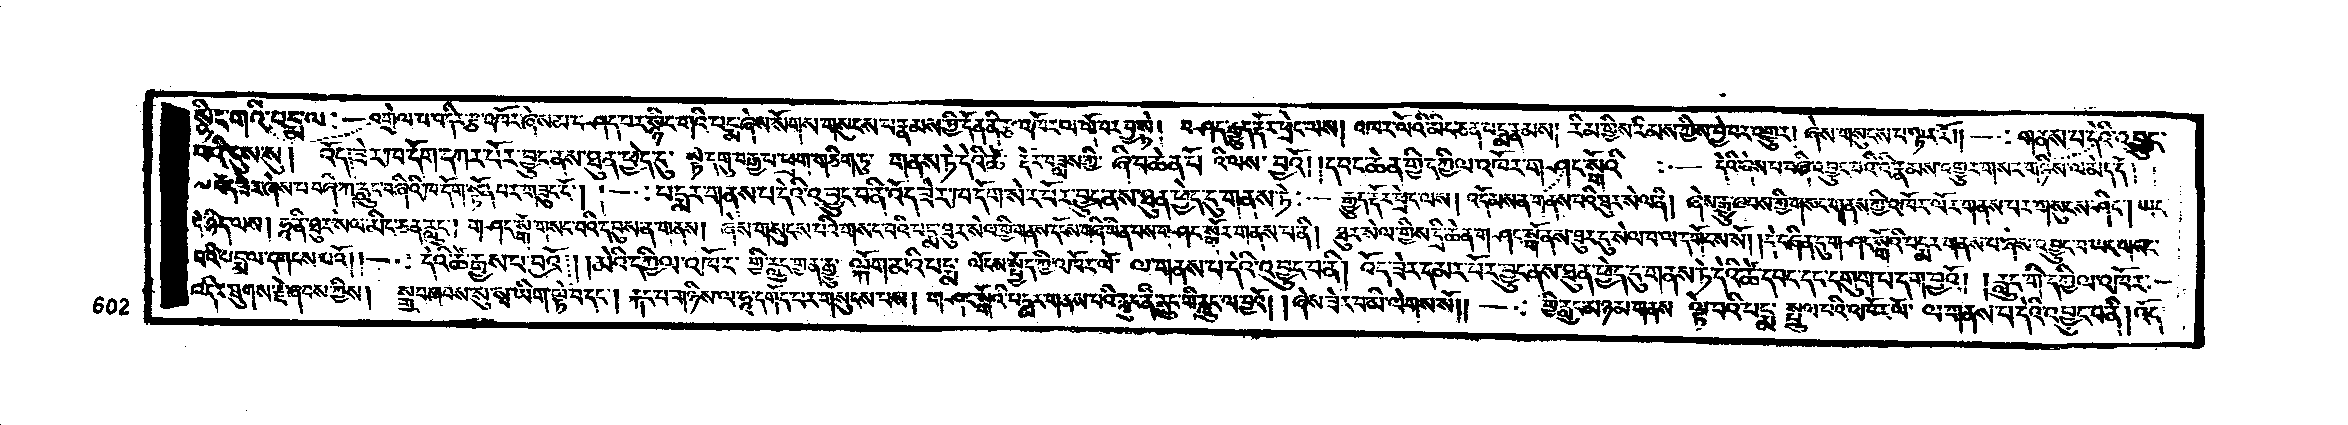སྙིང་གའི་པདམ་H.་འགྲེལ་པ་འདིར་རྩ་འཁོར་ཞེས་མ་བཤད་པར་སྙིང་གའི་པདམ་ཞེས་སོགས་གསུངས་པ་རྣམས་ཀྱི་དོན་ནི་རྩ་འཁོར་ལ་གོ་བར་བྱ་སྟེ། བཤད་རྒྱུད་རྡོར་ཕྲེང་ལས། འཁོར་ལོའི་མིང་ཅན་པདམ་རྣམས། རིམ་གྱིས་རིམས་ཀྱིས་བྱེ་བར་འགྱུར། ཞེས་གསུངས་པ་ལྟར་རོ།། .H གནས་པ་དེའི་འབྱུང་
བའི་དུས་སུ། འོད་ཟེར་ཁ་དོག་དཀར་པོར་བྱུང་ནས་ཐུན་ཕྱད་དུ་སྟེ་དགུ་བརྒྱ་པ་ཕྲག་གཅིག་ཏུ་གནས་ཏེ་དེའི་ཚེ་རྡོར་བཟླས་ཀྱི་ཞི་བ་ཆེན་པོའི་ལས་བྱའོ། །དབང་ཆེན་གྱི་དཀྱིལ་འཁོར་བཤད་སྒོའི་H.་དེའི་ཞེས་པ་བཞི་འབྱུང་བའི་འི་རྣམས་འགྱུར་གསར་གཉིས་ལ་མེད་དོ། །
༧་འོད་ཟེར་ཞེས་པ་བཞི་ཀ་རླུང་བཞིའི་ཁ་དོག་སྟོན་པར་གཟུང་ངོ།། .H པདམར་གནས་པ་དེའི་འབྱུང་བ་ནི་འོད་ཟེར་ཁ་དོག་སེར་པོར་བྱུང་ནས་ཐུན་ཕྱེད་དུ་གནས་ཏེ་H.་རྒྱུད་རྡོར་ཕྲེང་ལས། འདོམས་ན་གནས་པའི་ཐུར་སེལ་ནི། ཞེས་རྒྱུ་ཞབས་ཀྱི་གསང་གནས་ཀྱི་འཁོར་ལོར་གནས་པར་གསུངས་ཤིང་། ཡང་
དེ་ཉིད་ལས། ཧཱ་ནི་ཐུར་སེལ་མིང་ཅན་རླུང་། བཤད་སྒོ་གསང་བའི་དབུས་ན་གནས། ཞེས་གསུངས་པའི་གསང་བའི་པདམར་ཐུར་སེལ་གྱི་གནས་དངོས་གཞི་ཡིན་པས་བཤད་སྒོར་གནས་པ་ནི། ཐུར་སེལ་གྱིས་དྲི་ཆེན་བཤད་སྒོ་ནས་ཐུར་དུ་སེལ་བ་ལ་དགོངས་སོ། །དེ་བཞིན་དུ་བཤད་སྒྲོའི་པདམར་གནས་པ་ཞེས་འབྱུང་བ་ཡང་གསང་
པའི་པདམ་ལ་དགངས་པའོ།། .H དེའི་ཆོ་རྒྱས་པ་བྱའོ། །མེའི་དཀྱིལ་འཁོར་གྱི་རླུང་གྱི་ན་རྒྱུ་ལྐོག་མའི་པདམ་ལོངས་སྤྱོད་ཀྱི་འཁོར་ལོ་ལ་གནས་པ་དེའི་འབྱུང་བ་ནི། འོད་ཟེར་དམར་པོར་བྱུང་ནས་ཐུན་ཕྱེད་དུ་གནས་ཏེ་དེའི་ཚེ་དབང་དང་དགུག་པ་དག་བྱའོ། །རླུང་གི་དཀྱིལ་འཁོར་H.
འདིར་ཐུགས་རྗེ་ཞབས་ཀྱིས། སྒྲུབ་ཞབས་སུ་སྭ་ཡིག་ལྟེ་བ་དང་། རྐང་པ་གཉིས་ལ་ཧཱ་དགོད་པར་གསུངས་པས། གཤང་སྒོའི་པདམར་གནས་པའི་རླུང་ནི་རླུང་གི་རླུང་ལ་བྱའོ། །ཞེས་ཟེར་བ་མི་ལེགས་སོ།། .H གྱི་རླུང་མཉམ་གནས་ལྟེ་བའི་པདམ་སྤྲུལ་པའི་འཁོར་ལོ་ལ་གནས་པ་དེའི་འབྱུང་བ་ནི། འོད་